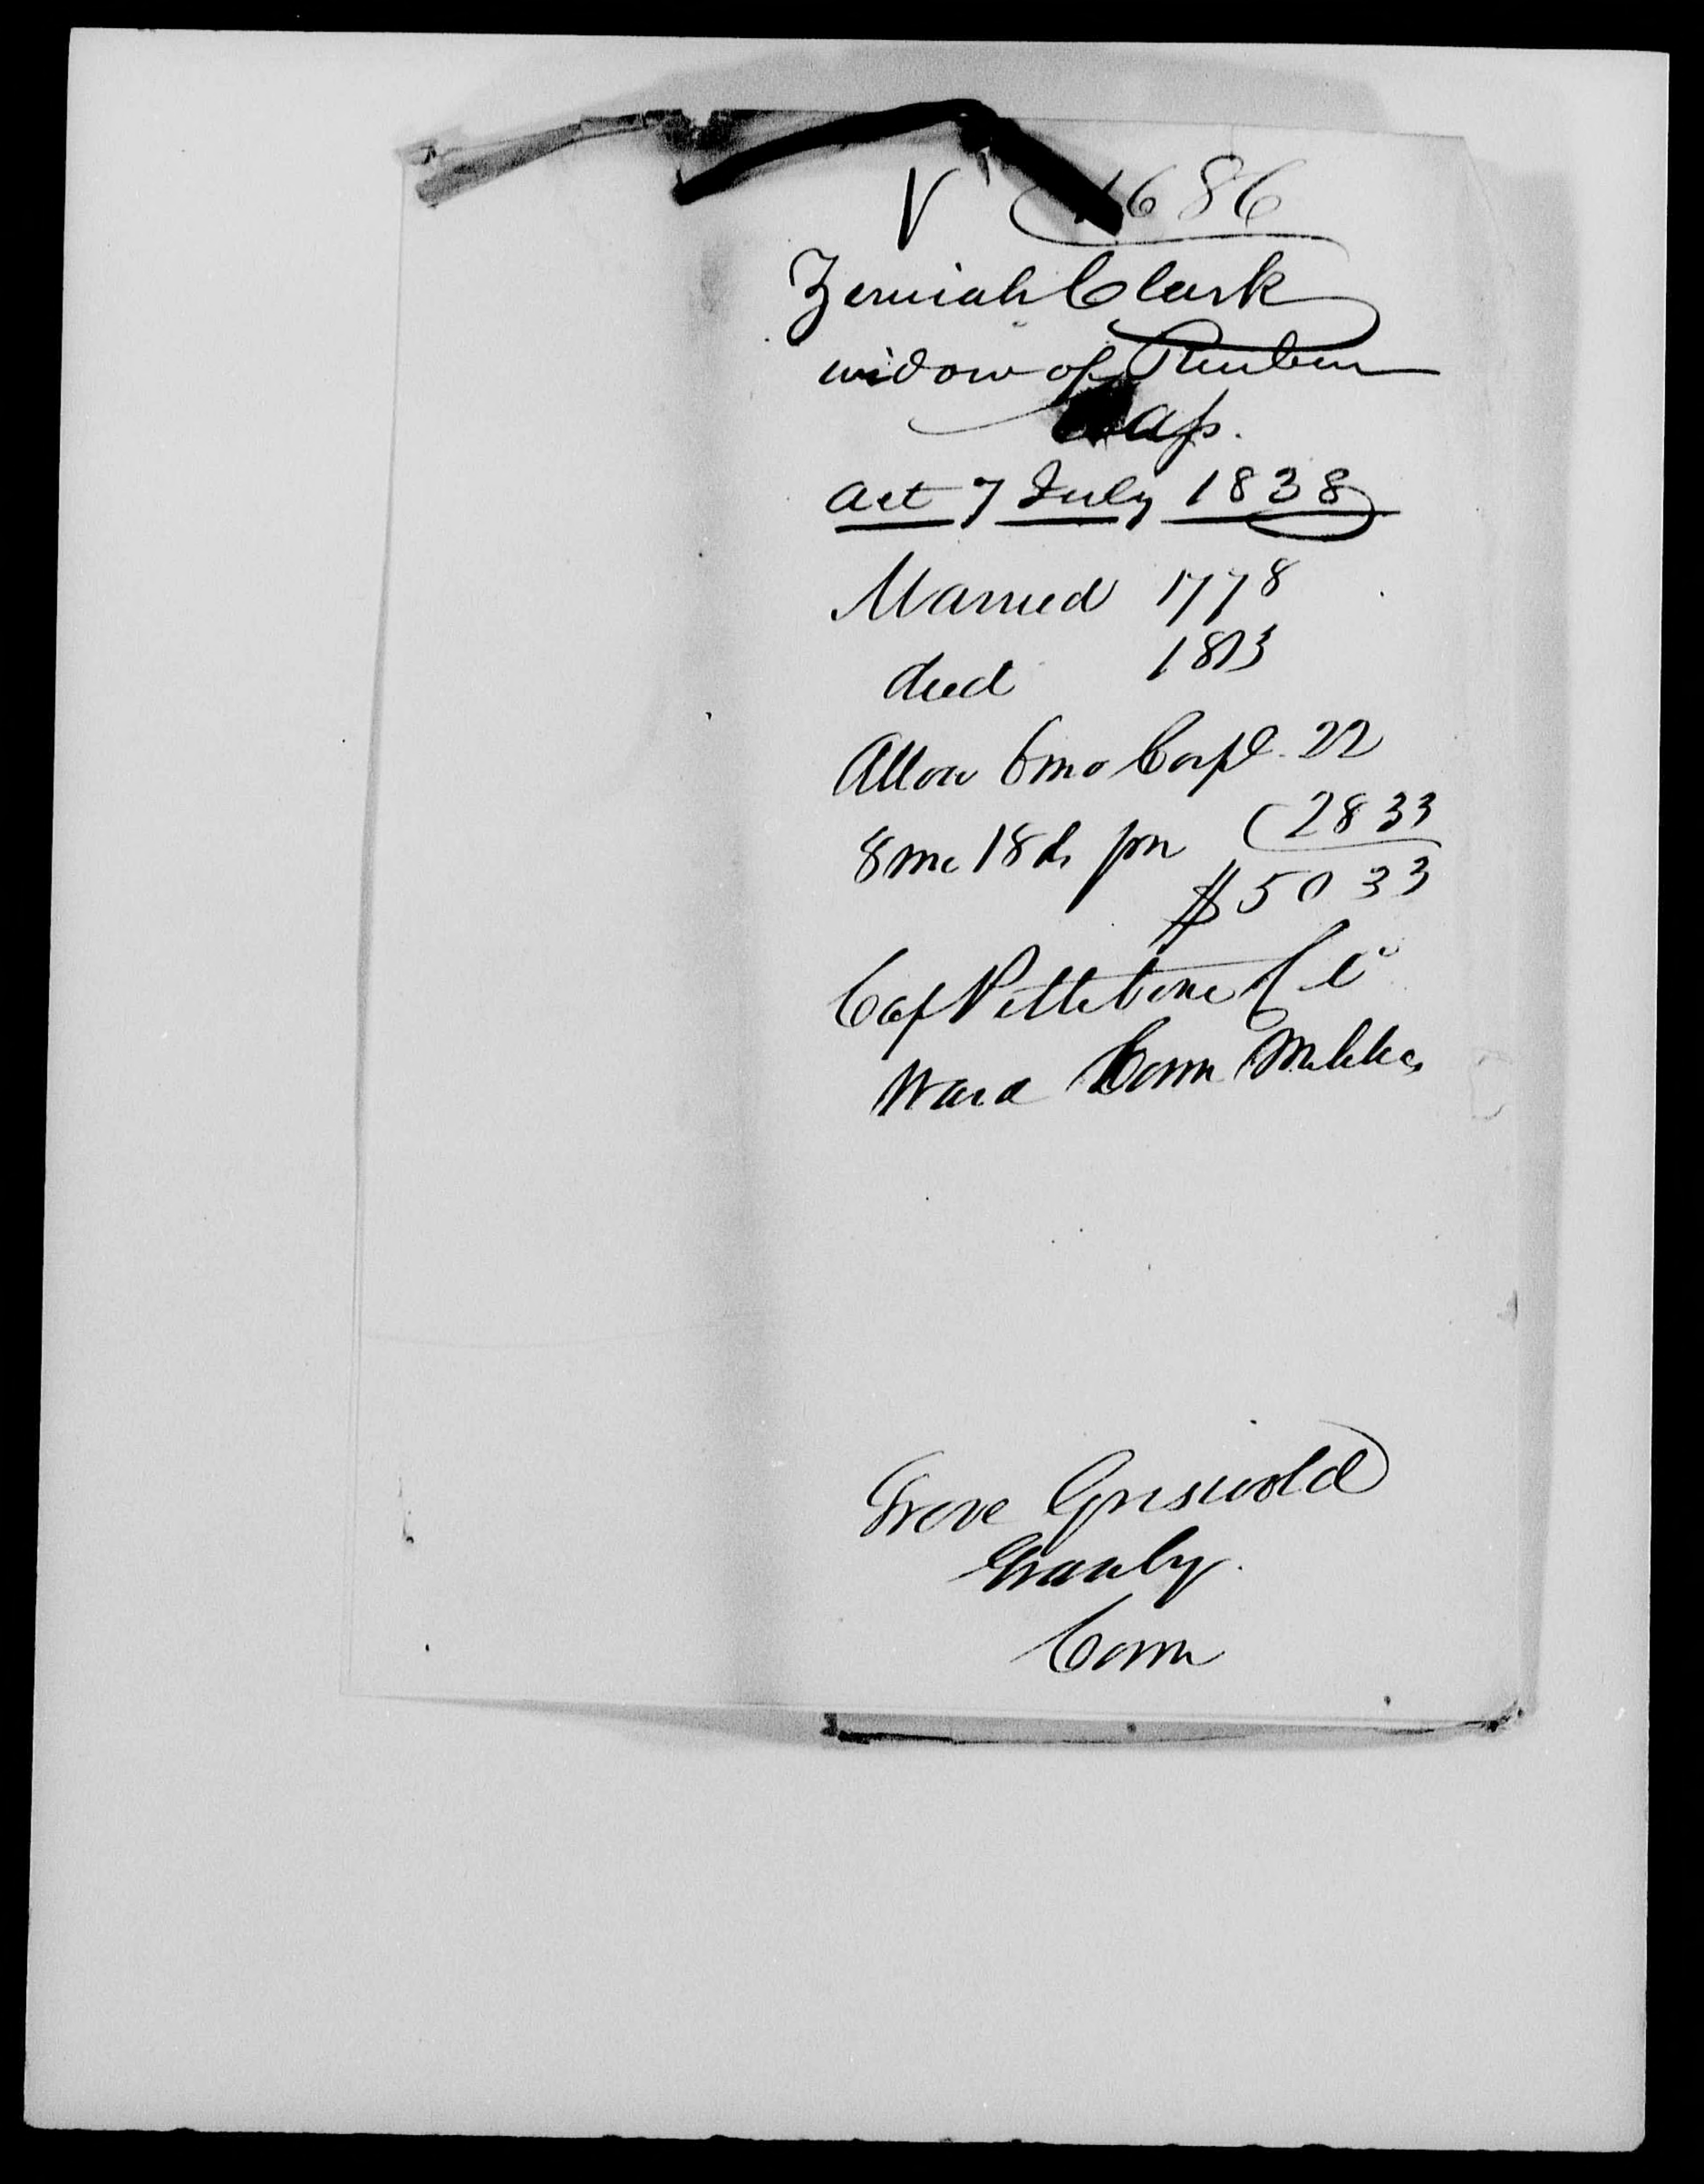[handwritten]
V 1686
Zeruiah Clark
Widow of Reuben
[illegible]
Act 7 July 1838
Married 1778
died 1813
Allow 6 mo Corpl 22
8 mo 18d pri 28.33
		$50.33
Capt Pettibone Clo Ward Conn Militia

Grove Griswold
Granby
Conn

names: Zeruiah Clark, Grove Griswold, Pettibone, Reuben Clark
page: 15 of 26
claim: widow's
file: W. 14483, Reuben Clark, Conn.